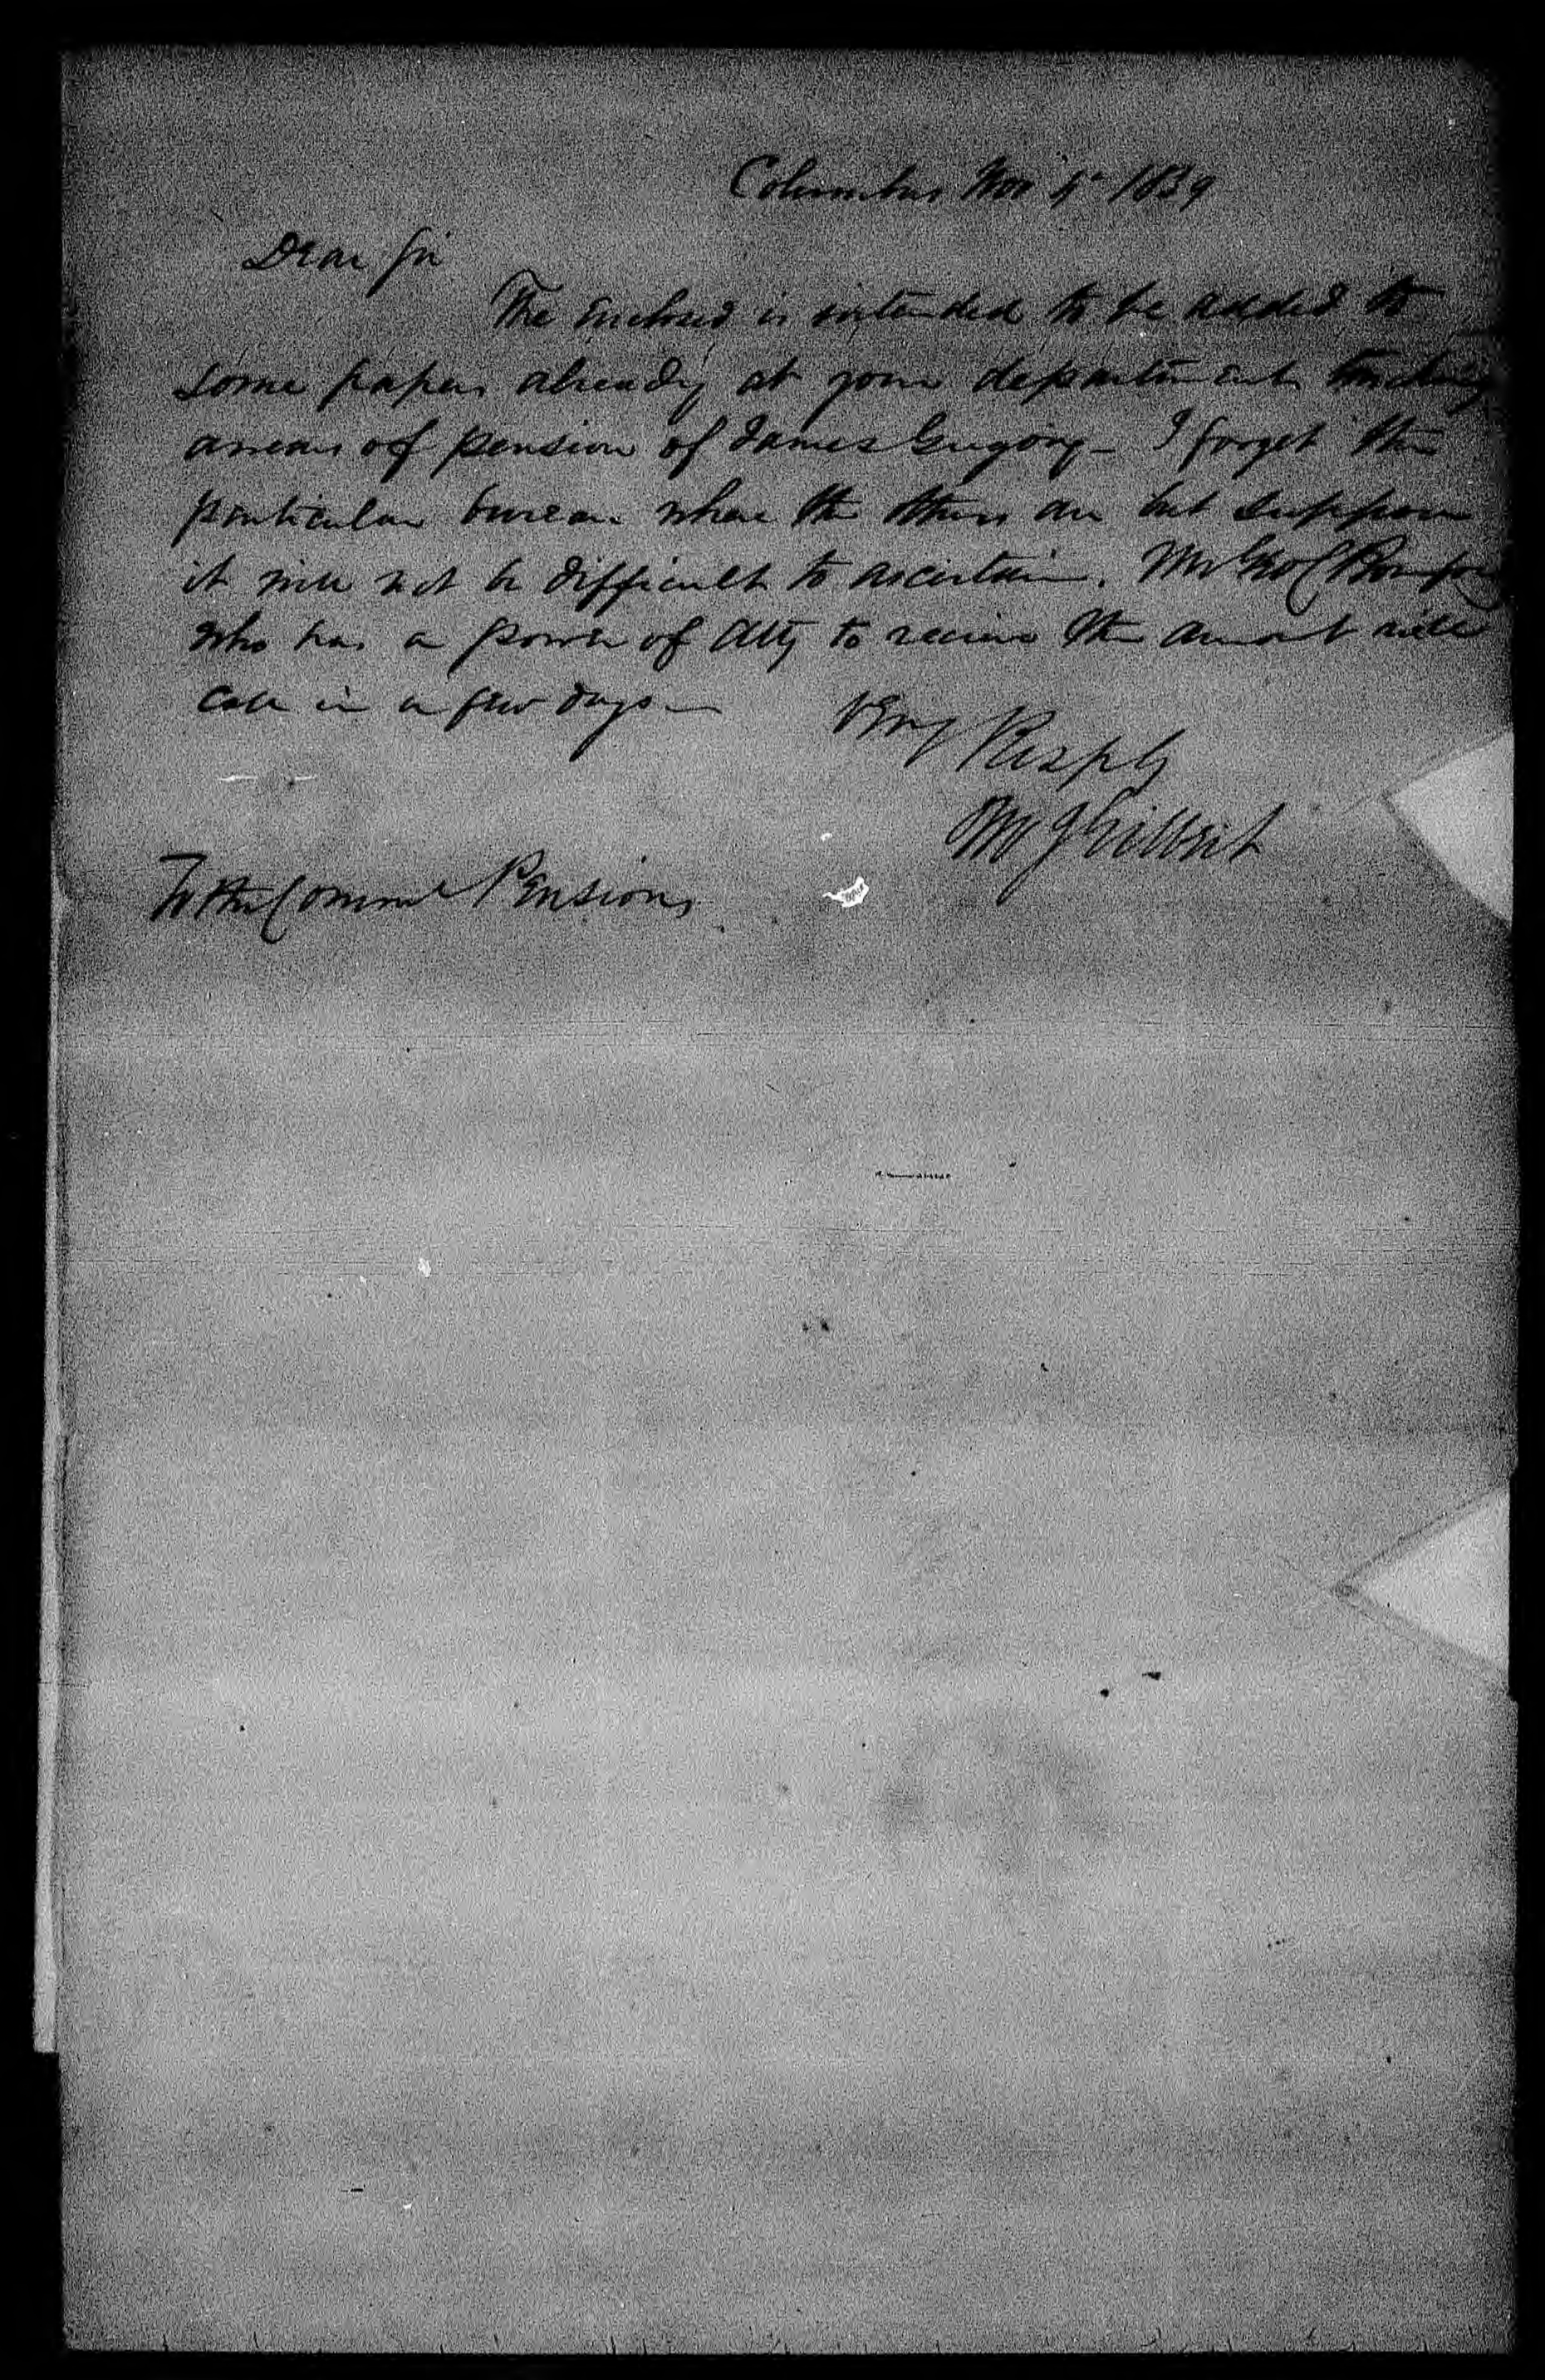Columbus Nov 5 1839

Dear Sir

The enclosed is intended to be added to some papers already at your department in [unk] arrears of pension of James Gregory. I forgot the particular bureau where the then am but suppose it will not be difficult to ascertain. Mr. Geo C Bomford who has a power of atty to receive the amount will call in a few days.

Very Resply

M J Gilbert

To the Commr Pensions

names: James Gregory, Geo C Bomford, M J Gilbert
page: 20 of 27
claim: survivor's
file: S. 17445, James Gregory, Conn.